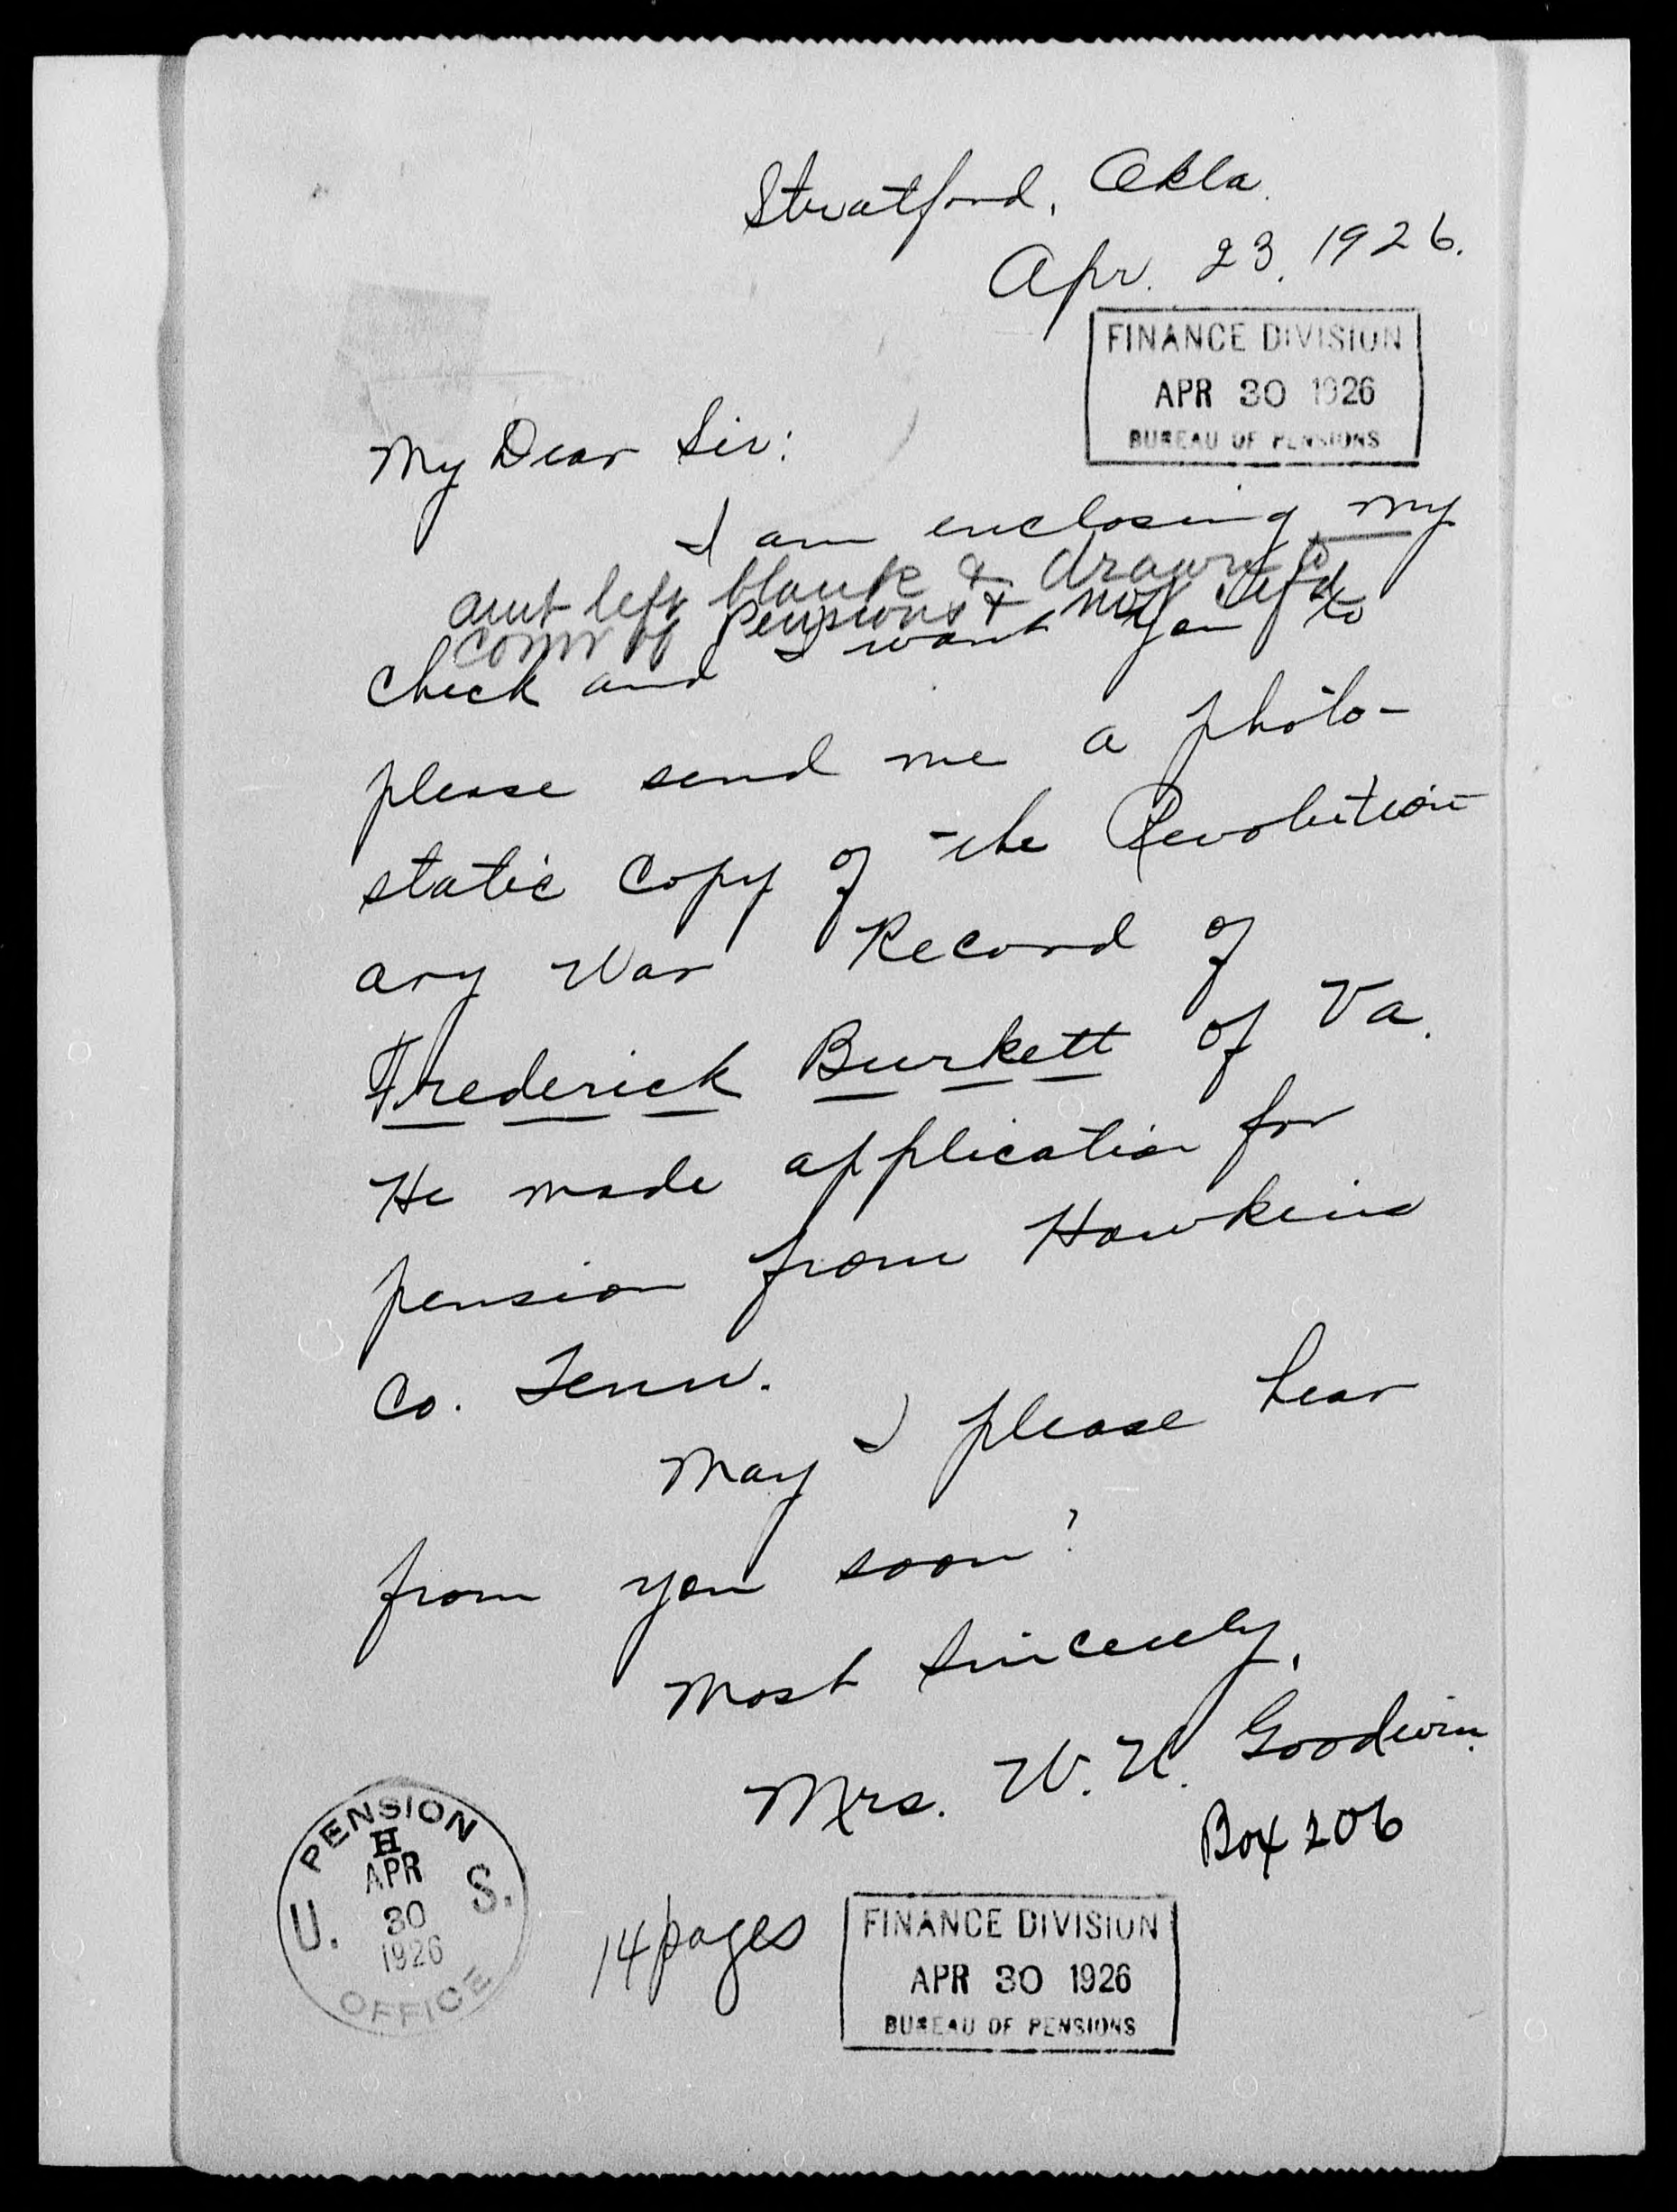Stratford, Okla.
April, 23, 1926

(Stamp): 
FINANCE DIVISION
APR 30 1926
BUREAU OF PENSIONS

My Dear Sir:
I am enclosing my (handwritten between lines: acct left blank & drawn to commr of pensions & no cefd) check and I want you to please send me a photostatic copy of the Revolutionary War Record of Frederick Burkett of Va.
He made application for pension from Hawkins Co. Tenn.
May I please her from you soon?
Most sincerely,
Mrs. W. N. Goodwin
Box 206

(Postal stamp)
U. S. PENSION OFFICE
H
APR 20 1926

14 pages

(stamp)
FINANCE DIVISION
APR 30 1926
BUREAU OF PENSIONS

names: Frederick Burkett, W N Goodwin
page: 43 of 47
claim: survivor's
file: S. 3102, Frederick Burket, Va.